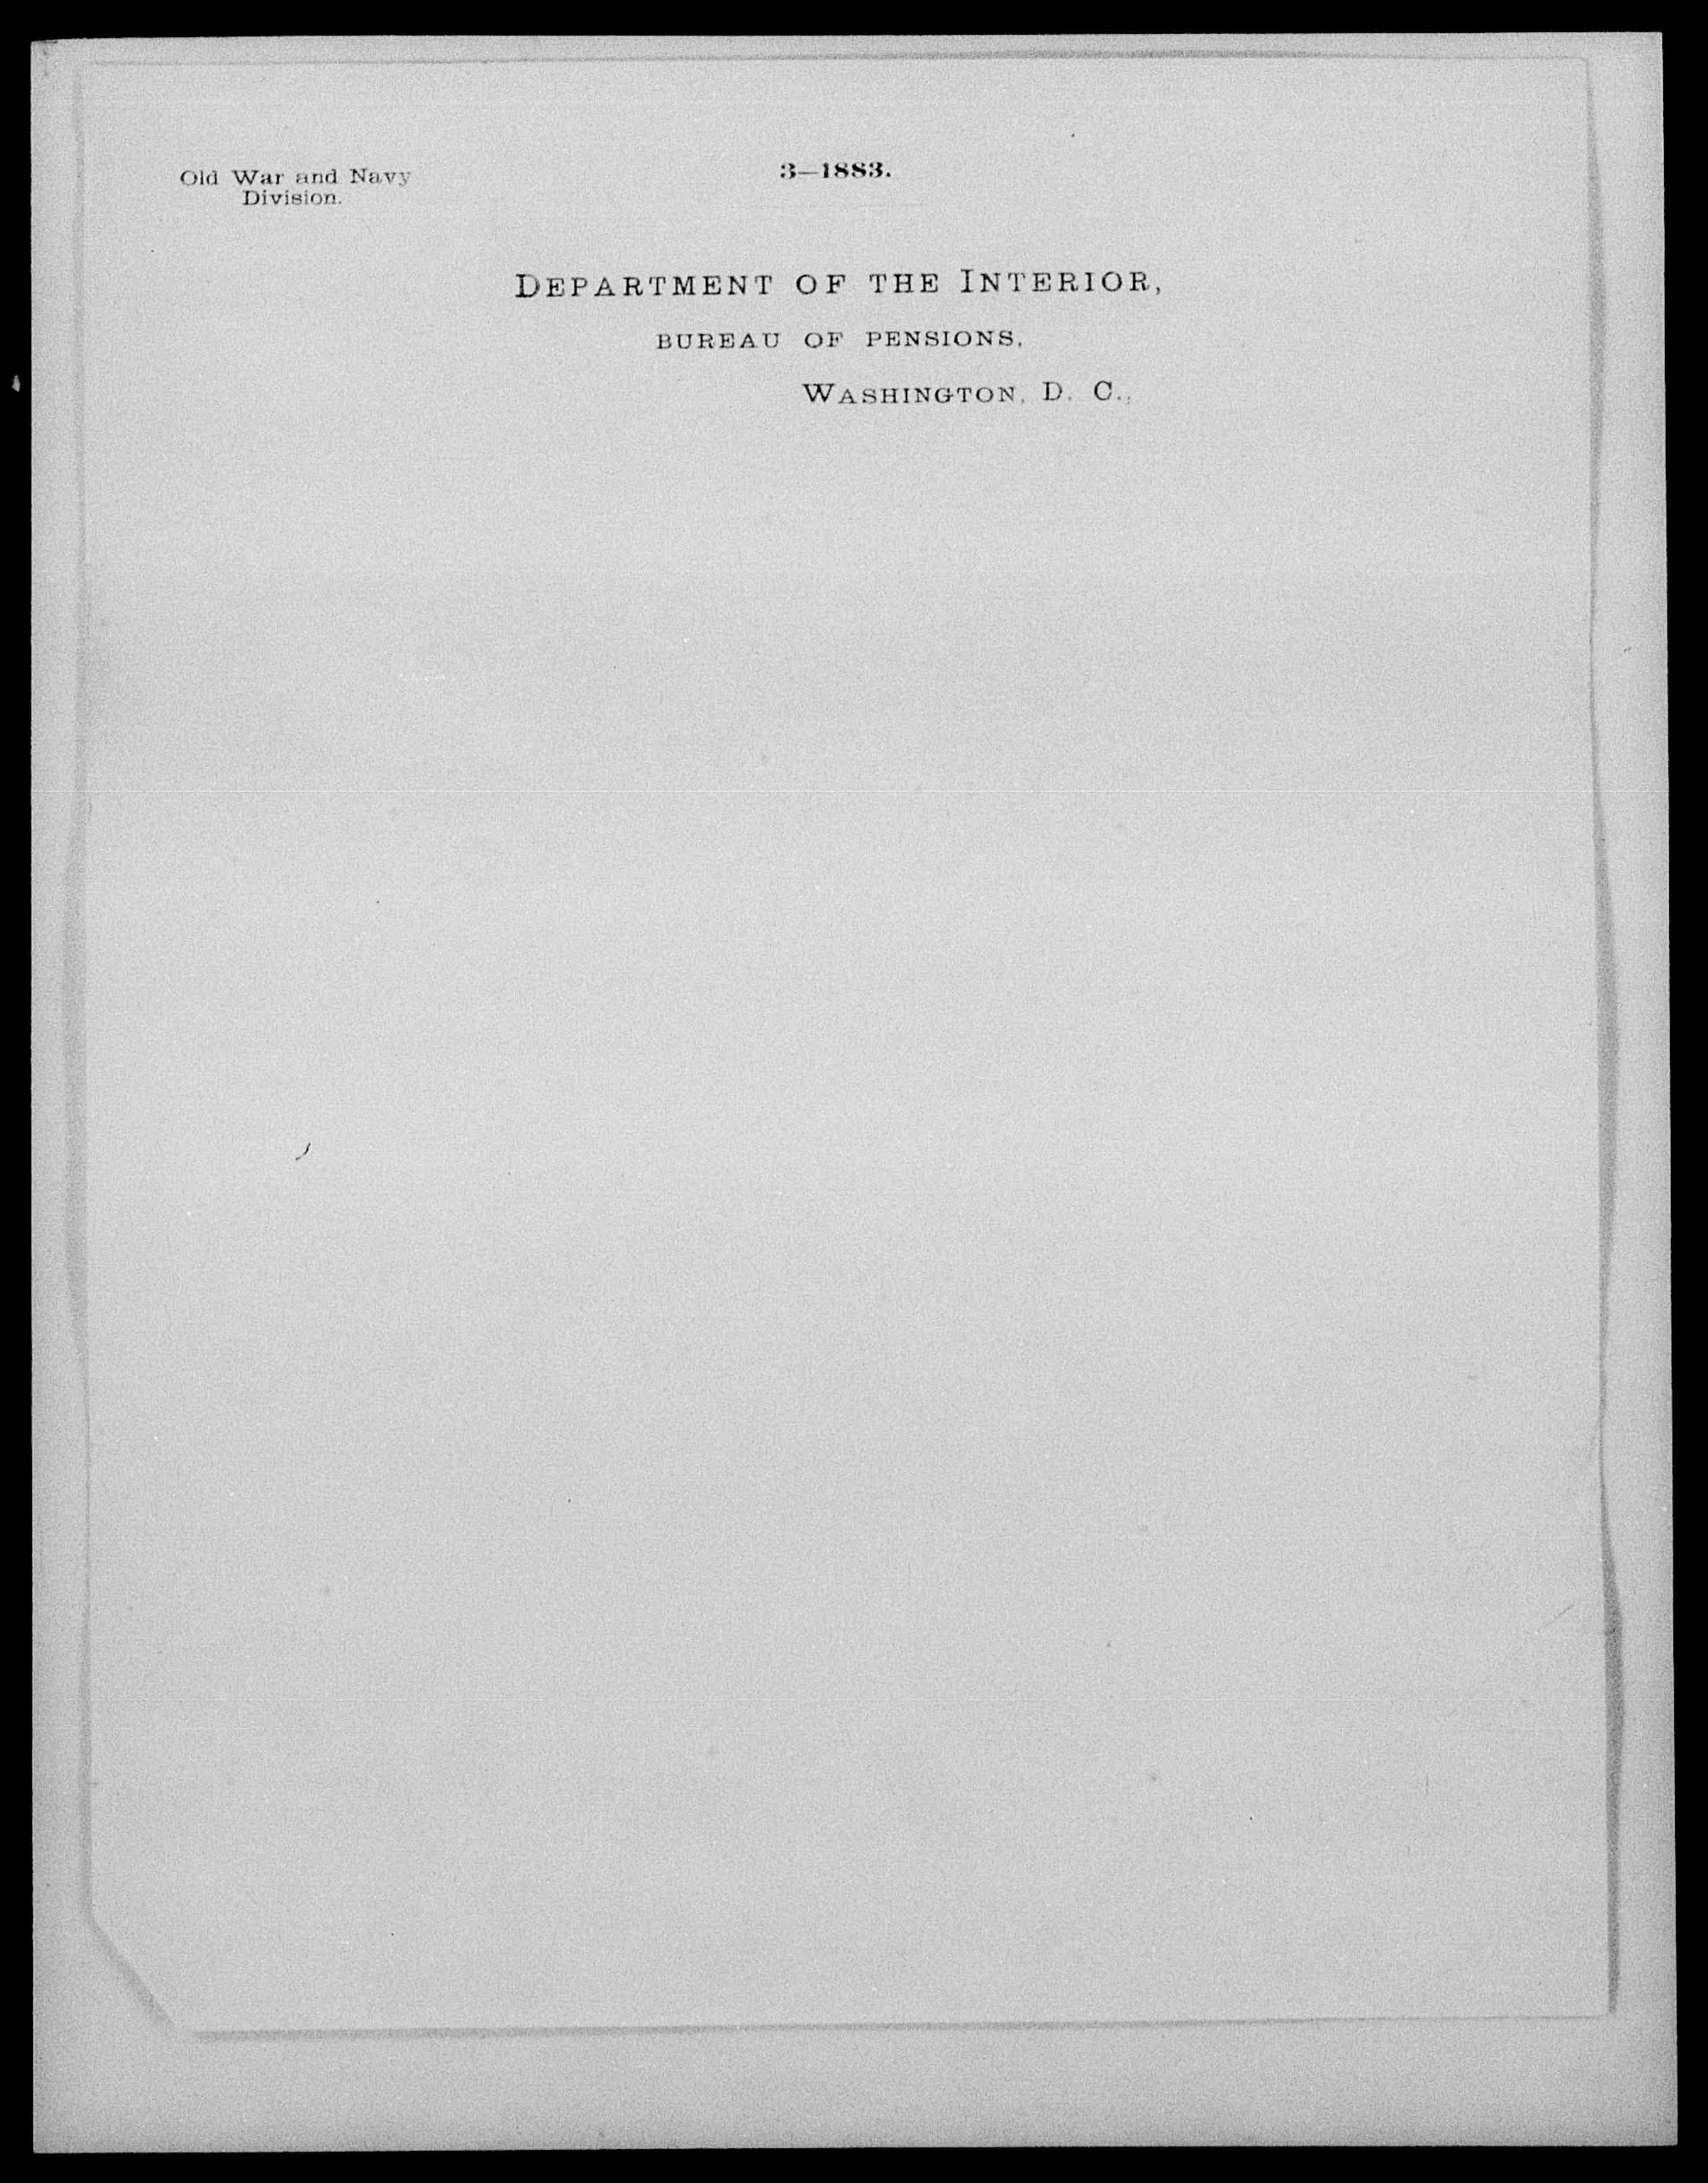3-1883
Old War and Navy Division

DEPARTMENT OF THE INTERIOR
BUREAU OF PENSIONS
WASHINGTON D. C.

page: 42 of 82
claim: widow's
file: W. 13,634, for Rufus Lincoln, Massachusetts